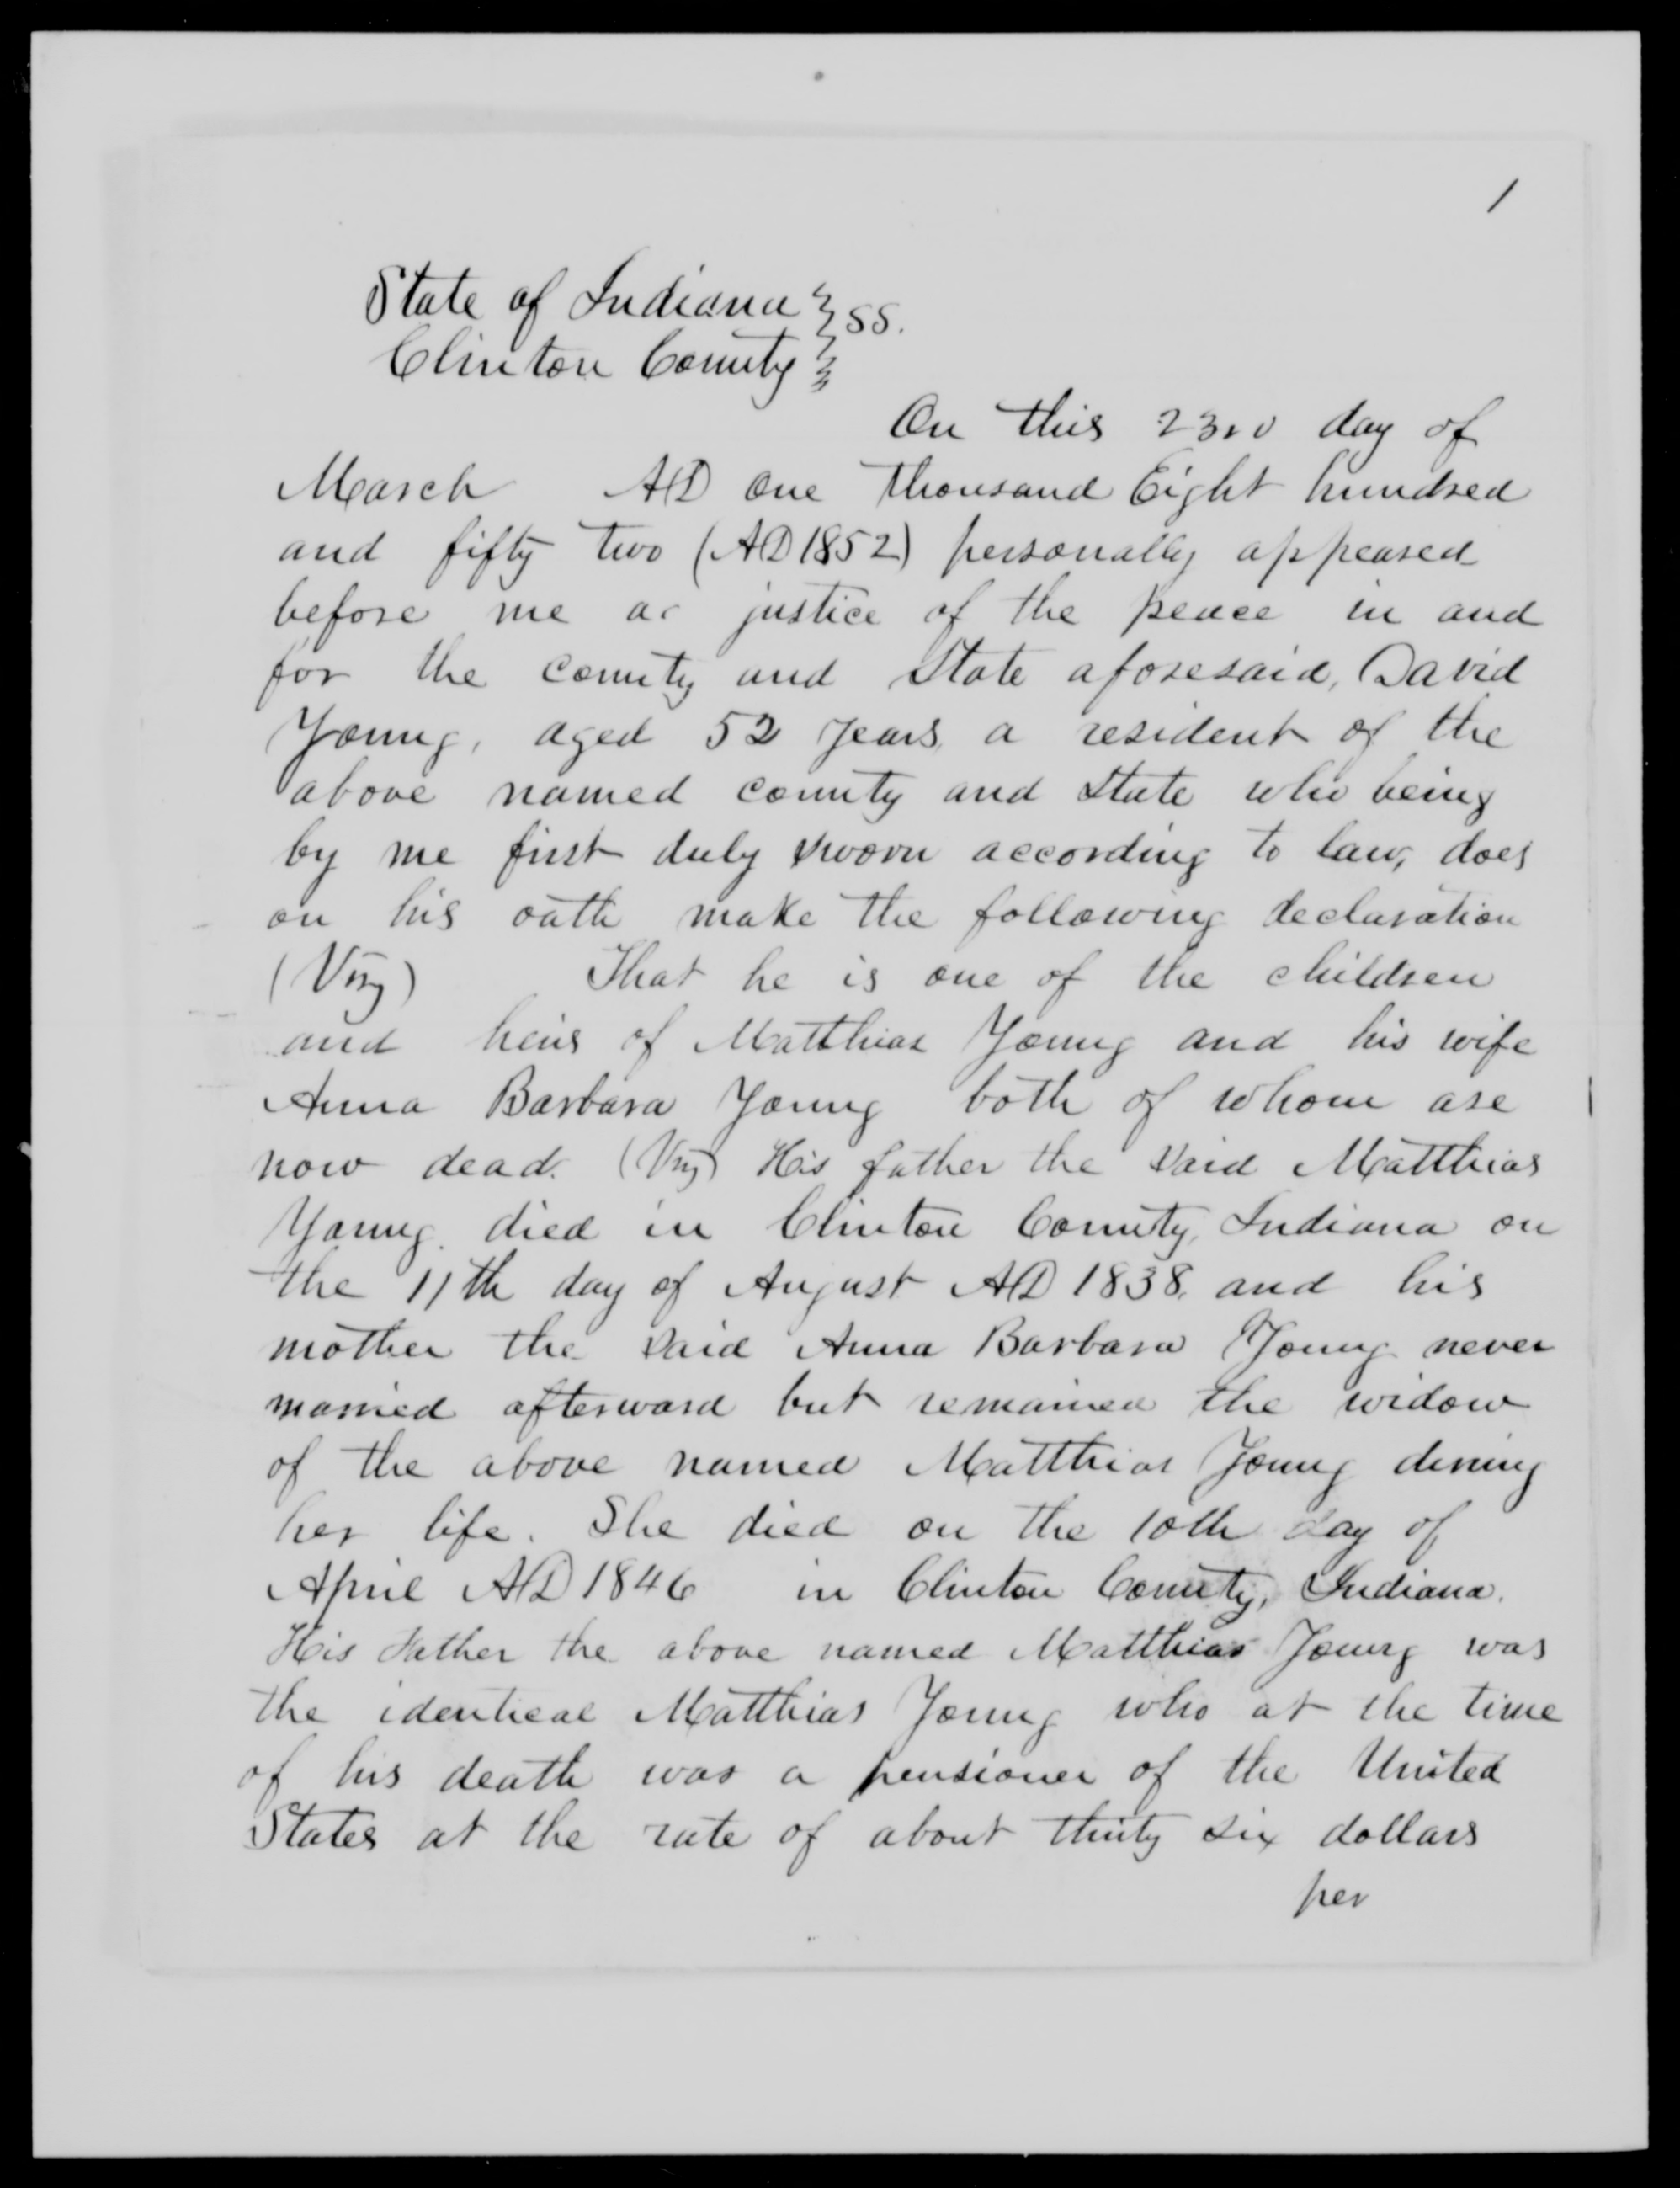State of Indiana  Clinton County SS.
On this 23rd day of
March AD one thousand Eight hundred
and fifty two (AD 1852) personally appeared
before me a justice of the peace in and
for the County and State aforesaid, David
Young, aged 52 years, a resident of the
above named County and State who being
by me first duly sworn according to law, does
on his oath make the following declaration
(Viz)
That he is one of the children
and heirs of Matthias Young and his wife
Anna Barbara Young both of whom are
now dead. (viz) His father the said Matthias
Young died in Clinton County, Indiana on
the 11th day of August AD 1838, and his
mother the said Anna Barbara Young never
married afterward but remained the widow
of the above named Matthias Young during
her life. She died on the 10th day of
April AD 1846 in Clinton County, Indiana.
His Father the above named Matthias Young was
the identical Matthias Young who at the time
of his death was a pensioner of the United States
at the rate of about thirty six dollars
per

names: Anna Barbara Young, Matthias Young, David Young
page: 20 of 123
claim: rejected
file: R. 11,949, Matthias Young, Md.